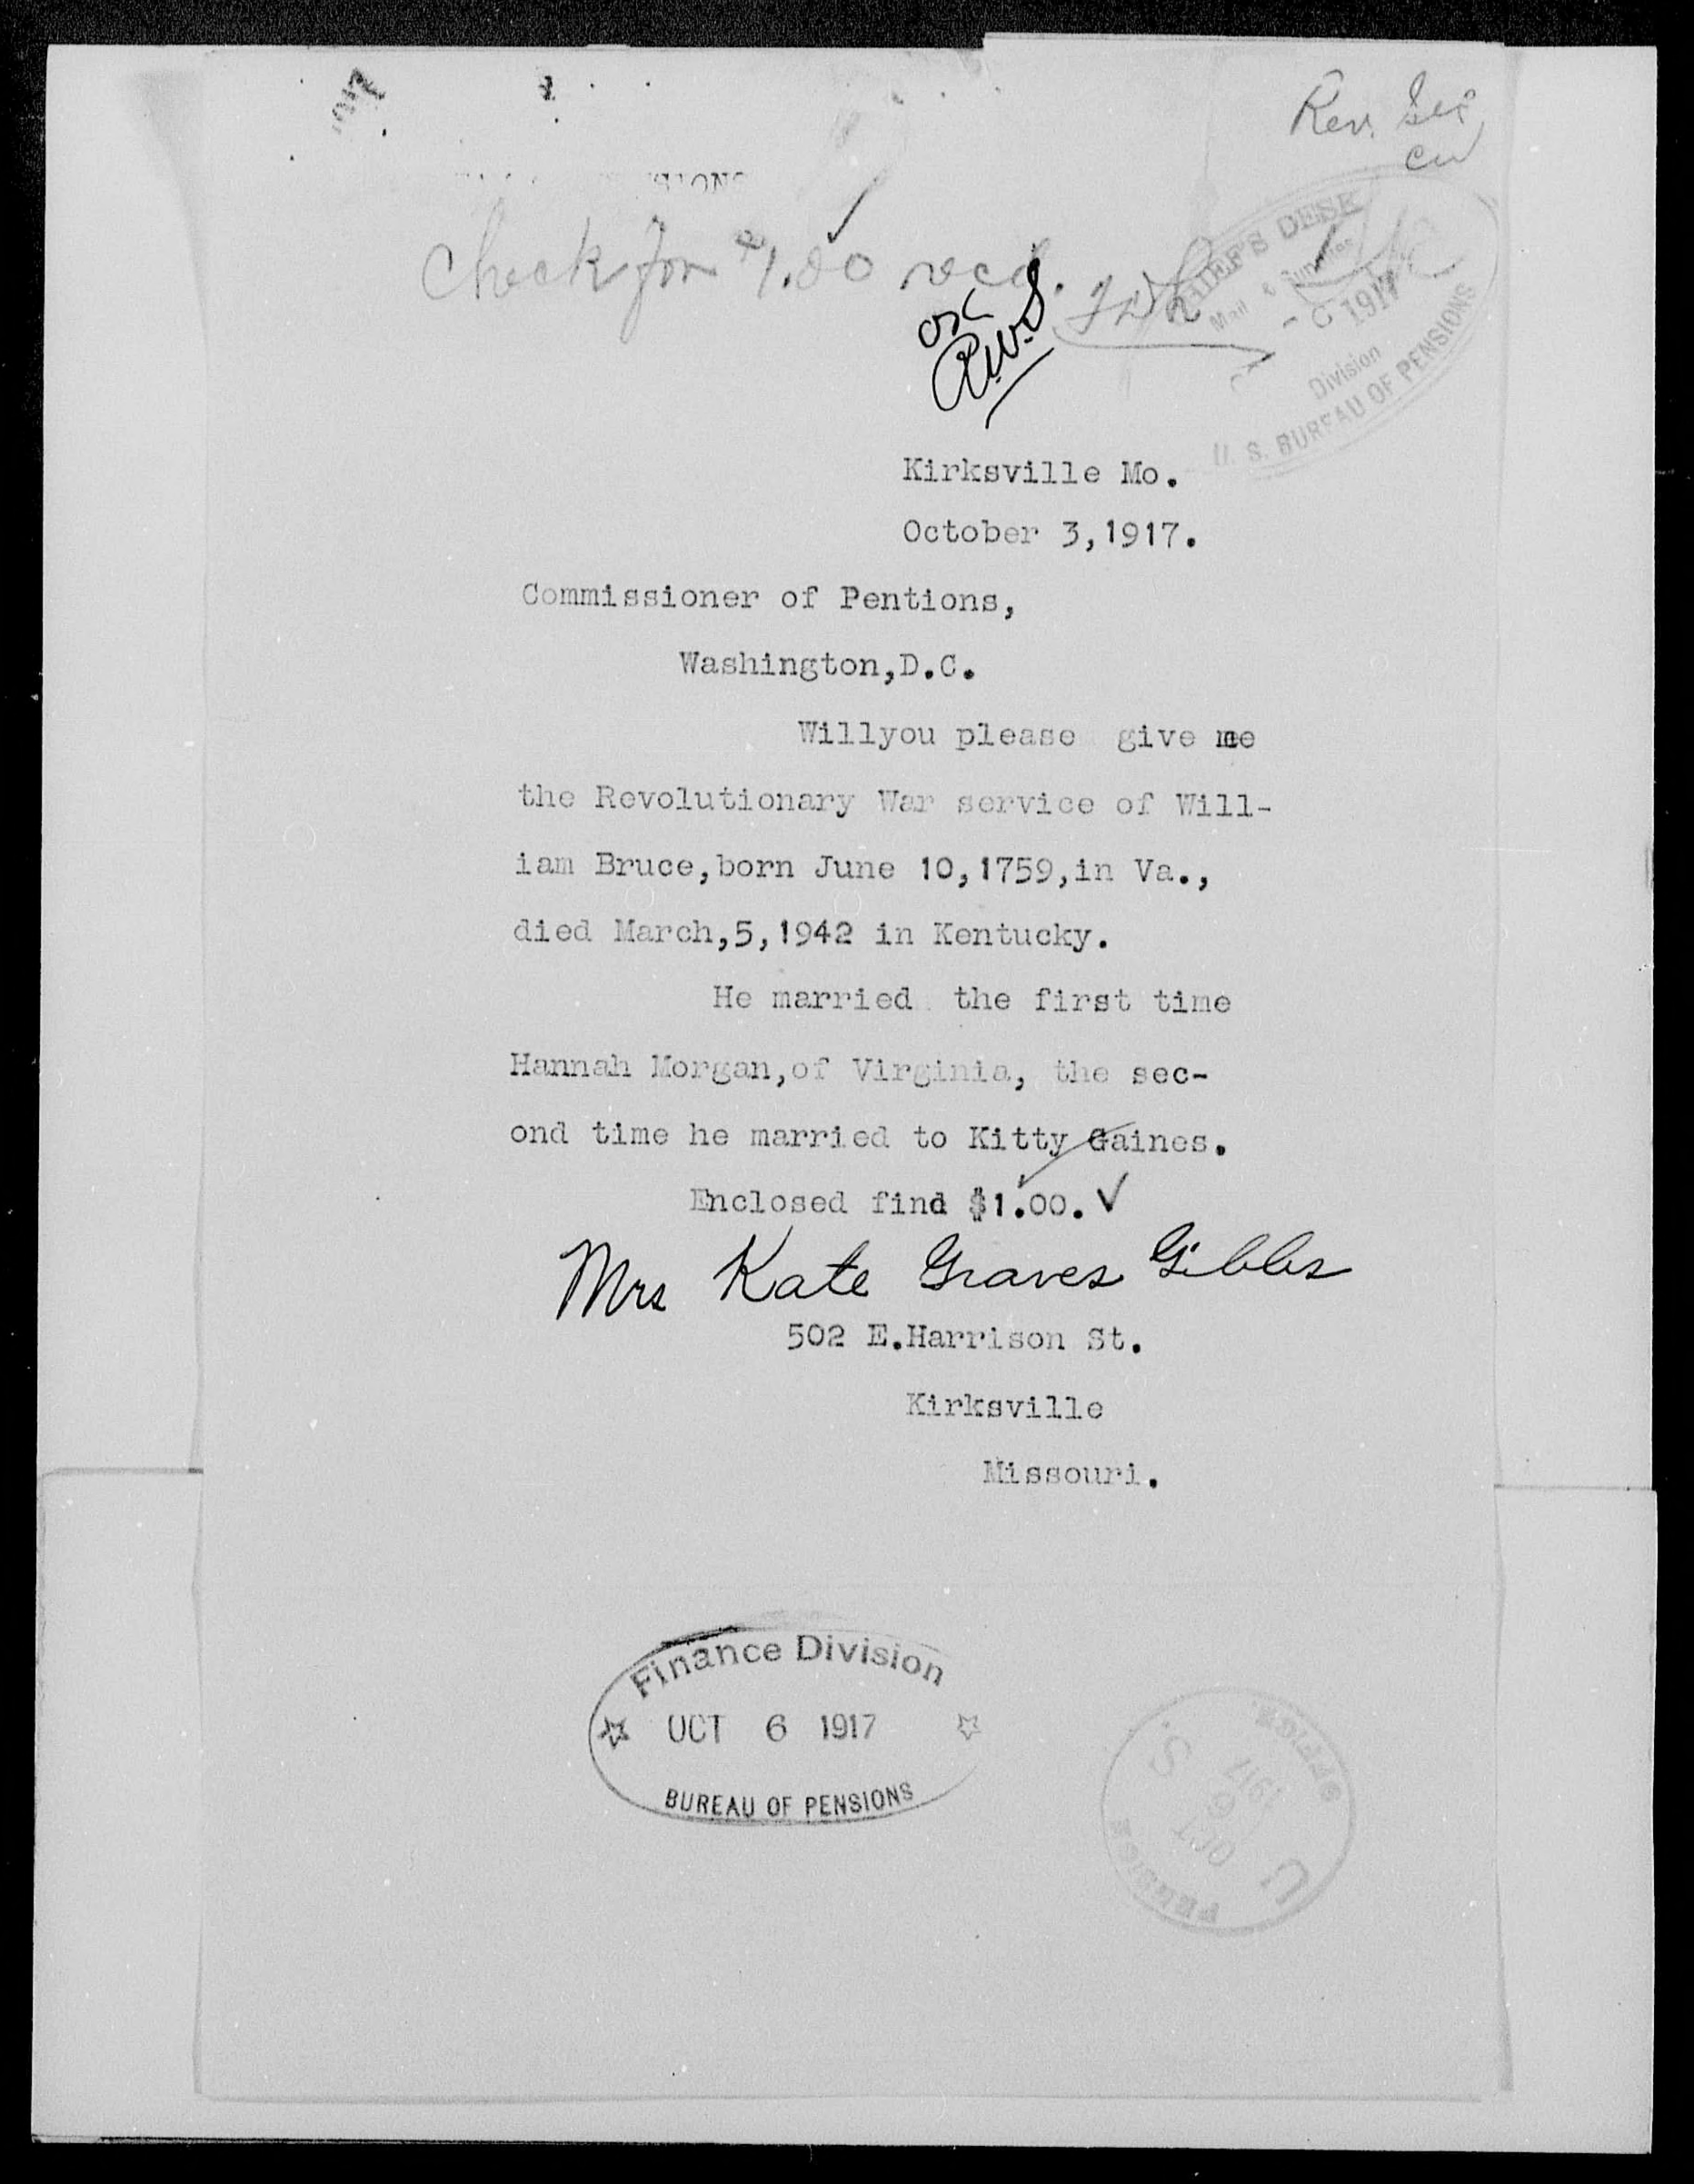[typed form, with handwritten responses]

Rev Sec
cw

check for $1.00 recd. JDh 
On Rev. S
[oval stamp] CHIEF’S DESK Mail & Supplies OCT [Illegible] 1917 Division BUREAU OF PENSIONS

Kirksville Mo. 
October 3, 1917. 

Commissioner of Pensions, 
Washington, D.C. 

Will you please give me the Revolutionary War service of William Bruce, born June 10, 1759, in Va., died March 5, 1942 in Kentucky. 

He married the first time Hannah Morgan, of Virginia, the second time he married to Kitty Gaines. 

Enclosed find $1.00. 

Mrs Kate Graves Gibbs 
502 E. Harrison St. 
Kirksville Missouri.

[oval stamp] Finance Division OCT. 26 1917 BUREAU OF PENSIONS

[circular stamp upside down] PENSION OCT 16 1917 OFFICE U S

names: Kitty Gaines, Kate Graves Gibbs, William Bruce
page: 52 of 54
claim: survivor's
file: S. 30287, William Bruce, N.C.